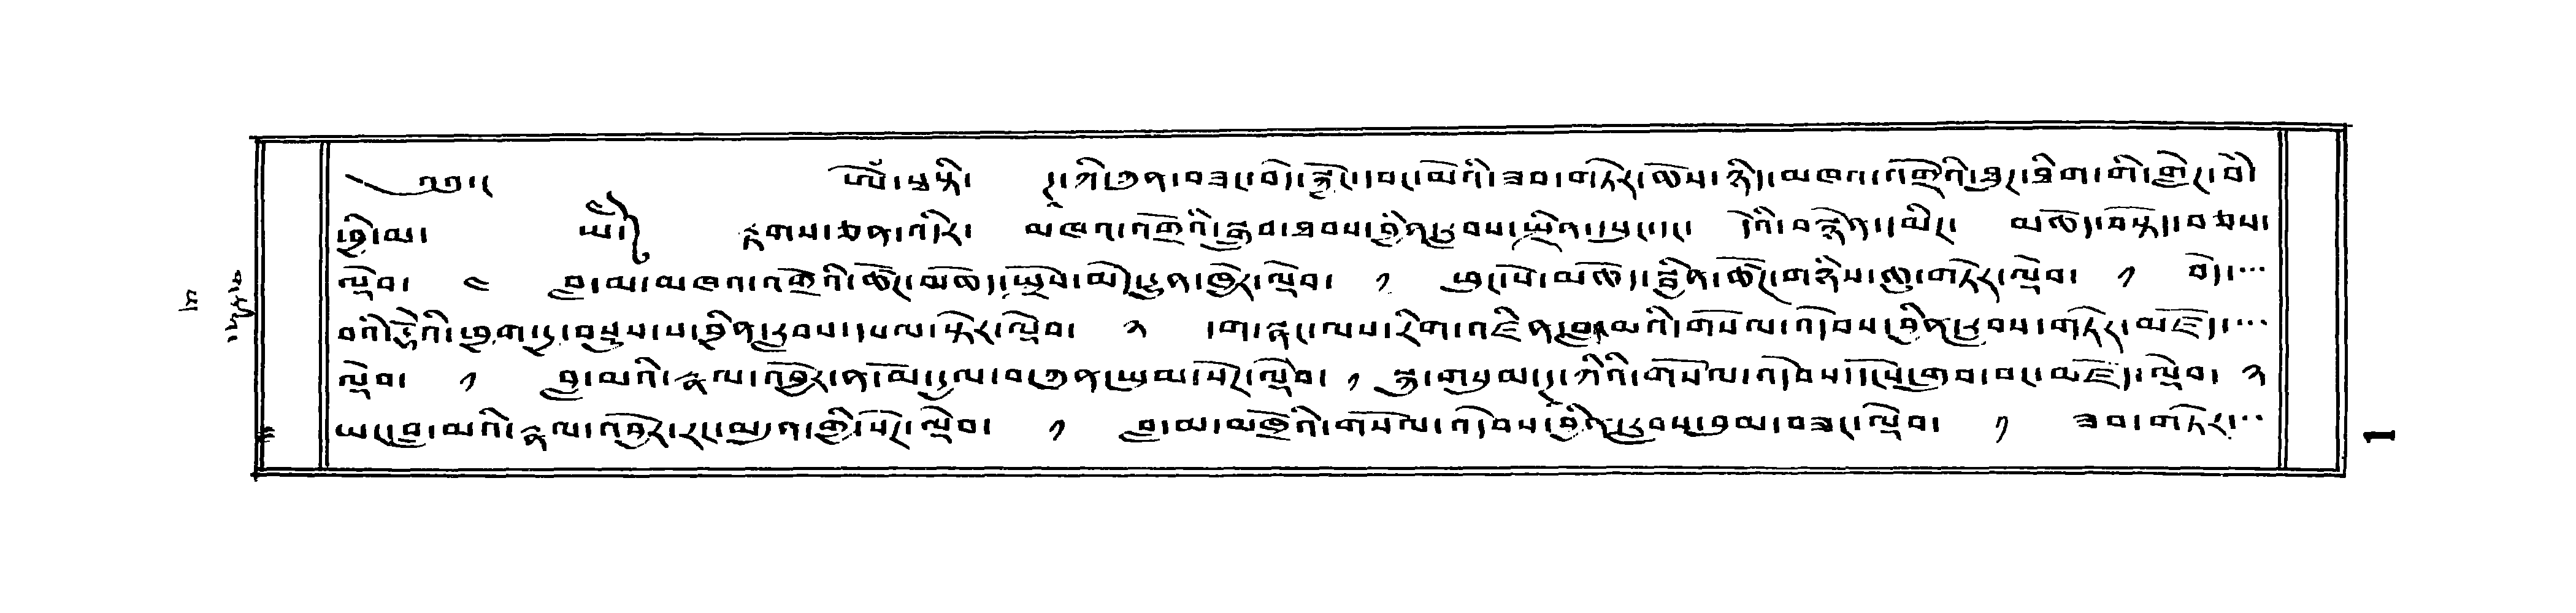༄༅། ཨོཾ་སྭ་སྟི། ཌཱ་ཀི་ཀུན་བཟང་བདེ་སྐྱོང་དབང་མོའི་ཟབ་གཏེར་ཆོས་ཉིད་མཁའ་འགྲོའི་ཐུགས་ཐིག་གི་གླེགས་བམ་
ཕྱི་མ། ཡ༽རྟགས་ཅན་འདིར། མཁའ་འགྲོའི་སྒྲུབ་ཐབས་བྱིན་རླབས་སྤྲིན་དཔུང་དང་། དེའི་བསྙེན་དམིགས། མཆོད་བསྟོད་བཅས་
ལྡེབ། བླ་མ་མཁའ་འགྲོའི་ཚོགས་མཆོད་སྤྲོས་མེད་རྒྱུན་ཁྱེར་ལྡེབ། ཕུང་པོ་མཆོད་སྦྱིན་ཚོགས་གཉིས་ཆུ་གཏེར་ལྡེབ། བདེ་
བའི་རྡོ་རྗེའི་ཕྱག་རྒྱ་བསྡུས་པ་བྱིན་རླབས་དཔལ་སྟེར་ལྡེབ། དག་སྣང་ལས་རིག་འཛིན་བླ་མའི་གསོལ་འདེབས་བྱིན་རླབས་གཏེར་མཛོད་
ལྡེབ། བླ་མའི་རྣལ་འབྱོར་ན་མོ་རྒྱལ་བ་ཀུན་ཡུམ་སོགས་ལྡེབ། སྐུ་གསུམ་ཌཱ་ཀིའི་གསོལ་འདེབས་དངོས་གྲུབ་བང་མཛོད་ལྡེབ། 
ཡང་བླ་མའི་རྣལ་འབྱོར་རང་མདུན་གྱི་སོགས་ལྡེབ། བླ་མ་མཁའ་འགྲོའི་གསོལ་འདེབས་བྱིན་རླབས་བུམ་བཟང་ལྡེབ། ཟབ་གཏེར་